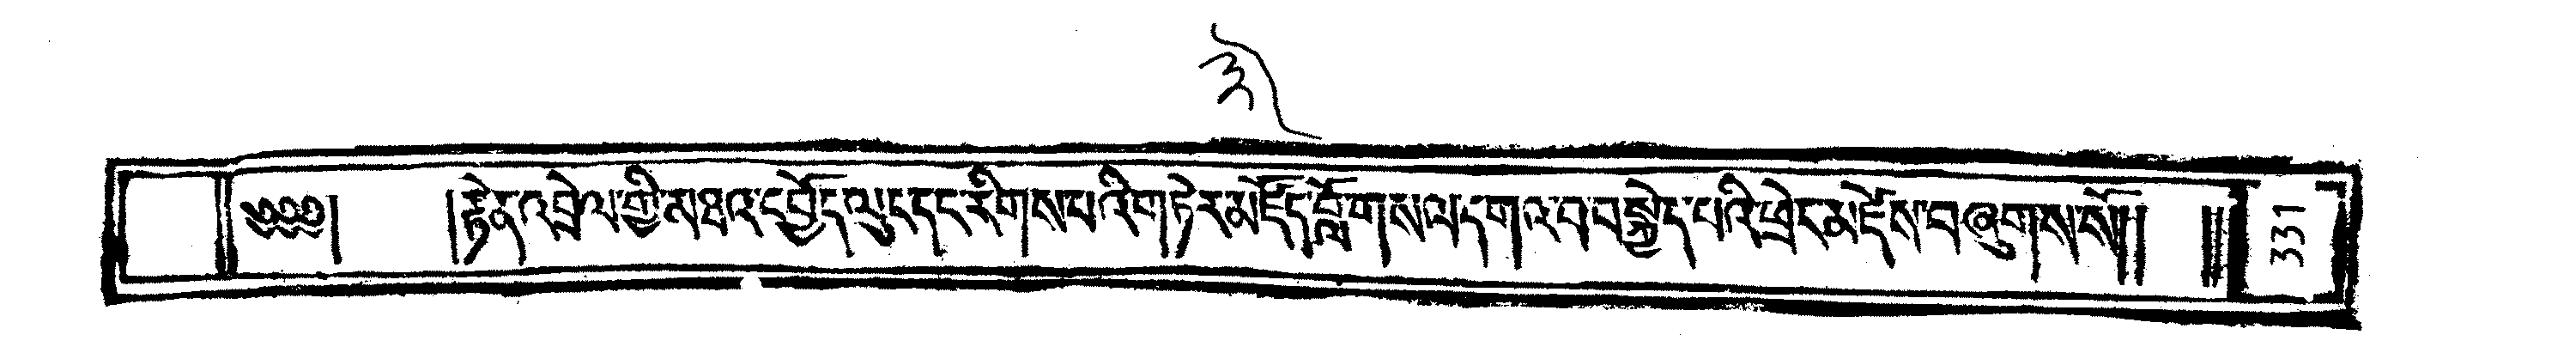༣?
༄༅༅། །རྟེན་འབྲེལ་གྱི་མཐའ་དཔྱོད་ལུང་དང་རིགས་པའི་གཏེར་མཛོད་བློ་གསལ་དགའ་བ་བསྐྱེད་པའི་ཕྲེང་མཛེས་བཞུགས་སོ།། །།